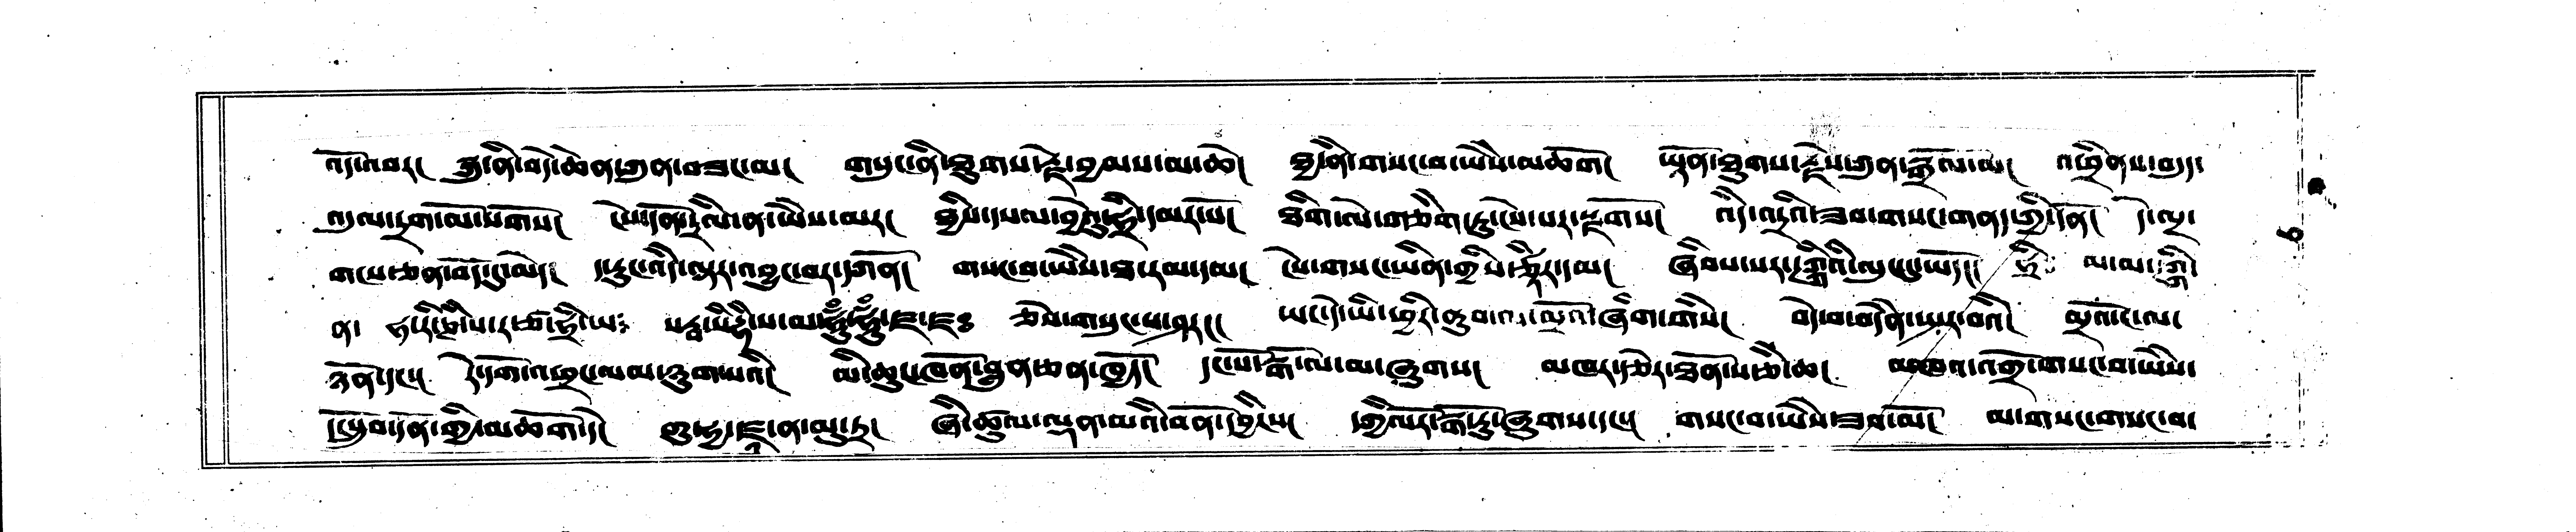འོད་འབར། སྐུ་ནི་བདེ་ཆེན་ཀུན་བཟང་མ། གསུང་ནི་ཐུགས་རྗེ་བྱམས་མ་ཆེ། ཐུགས་ནི་གསང་བ་ཡེ་ཤེས་མཆོག འཕྲིན་ལས་བདུད་
འདུལ་དྲག་མོ་སོགས། ངེས་དོན་དྲིལ་ན་ཡེ་ཤེས་མར། ཐུགས་ཀྱི་དཔལ་དབྱེས་ཧྲི་དམར་པོ། ཐིག་ལེ་གཅིག་ཏུ་ངེས་པར་རྫོགས། འདི་འདྲའི་ཟབ་གསང་གནད་ཀྱི་དོན། དེ་འདྲ་
གངས་ཅན་བོད་དུ་མེད། ད་རུང་འདི་ལྟར་འབྱུང་བར་དཀོན། གསང་བ་ཡེ་ཤེས་ཐ་རམ་དམ། ངེས་གསང་ཡིན་ཕྱིར་ཙིརྟར་དམ། ཞིབ་པར་ཌཱཀྐིའི་ལུང་དུ་ཡོད། ཧྲིཿ མ་མ་ཌཱཀྐི་
ན་ ཧ་རི་ཎི་ས་ར་ཙ་ཧྲི་ཡ། སརྦ་སདྷི་ས་མ་ཧཱུཾ་ཧཱུཾ་ཛ་ཛ། ཅེས་གསུངས་པ་ཤར། ཡང་དེའི་ཕྱིར་ནུབ་ལ་མཁའ་འགྲོ་ཞིག་གིས། བདེ་བ་བདེ་ཆེན་སྤར་བའི། མཁའ་འགྲོ་ང་ལ་
ཉོན་དང་། རེ་དྭོགས་འཕྲང་ལམ་ཉུག་པའི། མི་ཆུང་ཁོང་བླུན་ཅན་ཁྱོད། དང་པོ་སྒོ་ལ་མ་ཞུགས། མཁར་རྩེར་ཐོན་པ་ཅི་ཆ། མཁའ་འགྲོ་གསང་བ་ཡེ་ཤེས། 
དངོས་གྲུབ་དོན་གྱི་མཆོག་དེ། གུ་ཧྱ་ཛྙ་ན་མུ་ཏྲ། ཞི་ཚུལ་ལྡན་པའི་བོན་དབྱིངས། དཀྱིལ་འཁོར་སྒོ་རུ་ཞུགས་དང་། གསང་བ་ཡེ་ཤེས་ཟབ་མོ། མ་གསང་གསང་བ་